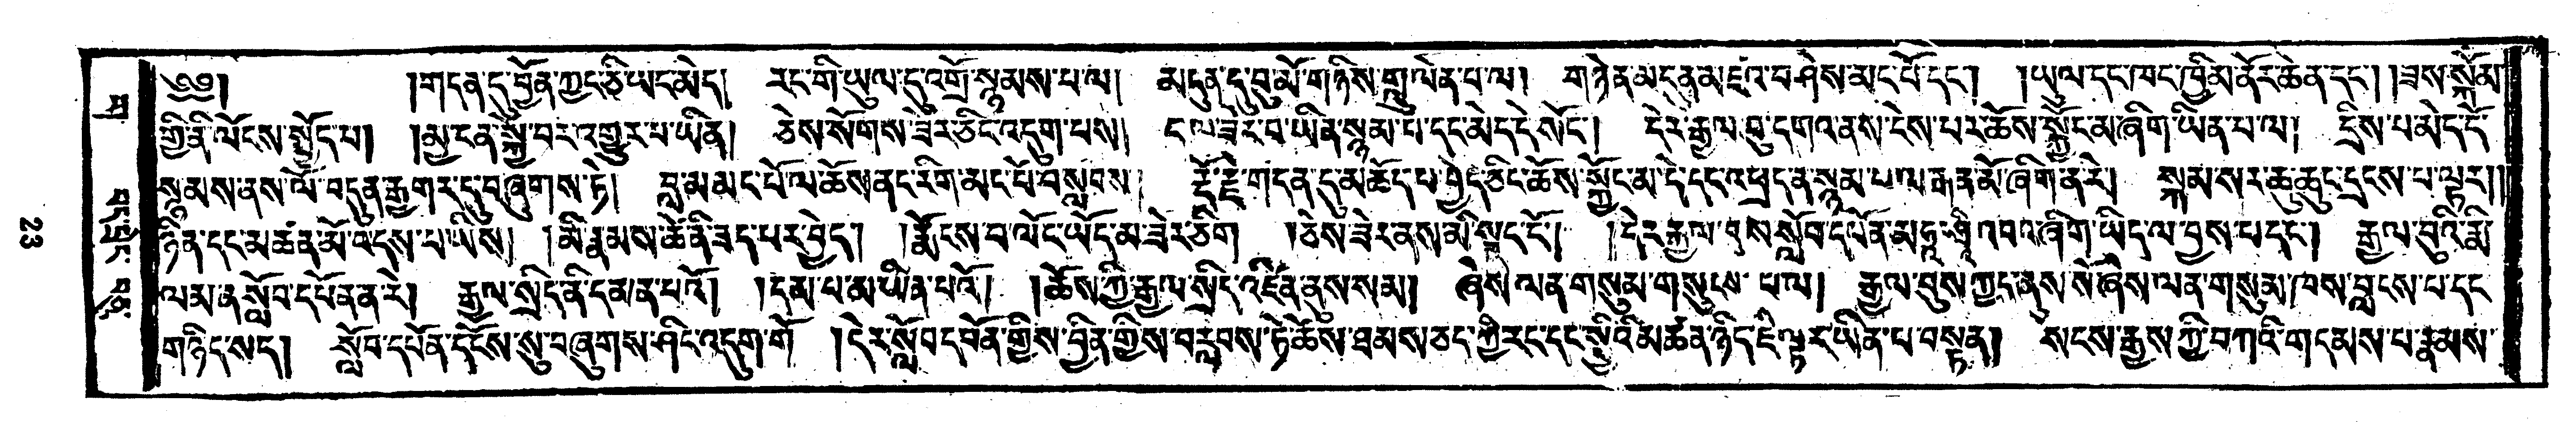༄༅། །གདན་དུ་བྱོན་ཀྱང་ཅི་ཡང་མེད། རང་གི་ཡུལ་དུ་འགྲོ་སྙམས་པ་ལ། མདུན་དུ་བུ་མོ་གཉིས་གླུ་ལེན་པ་ལ། གཉེན་མདུན་མཛའ་བཤེས་མང་པོ་དང་། །ཡུལ་དང་ཁང་ཁྱིམ་ནོར་ཆེན་དང་། །ཟས་སྐོམ་
གྱི་ནི་ལོངས་སྤྱོད་པ། །མྱ་ངན་སྐྱེ་བར་འགྱུར་པ་ཡིན། ཅེས་སོགས་ཟེར་ཅིང་འདུག་པས། དལ་ཟེར་བ་ཡིན་སྙམ་པ་དང་མེད་དེ་སོང་། དེར་རྒྱལ་བུ་དགའ་ནས་ངེས་པར་ཆོས་སྐྱོང་མ་ཞིག་ཡིན་པ་ལ། དྲིས་པ་མེད་དོ་
སྙམས་ནས་ལོ་བདུན་རྒྱ་གར་དུ་བཞུགས་ཏེ། བླ་མ་མང་པོ་ལ་ཆོས་ནང་རིག་མང་པོ་བསླབས། རྡོ་རྗེ་གདན་དུ་མཆོད་པ་བྱེད་ཅིང་ཆོས་སྐྱོང་མ་དེ་དང་འཕྲད་ན་སྙམ་པ་ལ་རྒན་མོ་ཞིག་ན་རེ། སྐམ་སར་ཆུ་ཆུང་དྲངས་པ་ལྟར། །
ཉིན་དང་མཚན་མོ་འདས་པ་ཡིས། །མི་རྣམས་ཚེ་ནི་ཟད་པར་བྱེད། །རྨོངས་པ་ལོང་ཡོད་མ་ཟེར་ཅིག །ཅེས་ཟེར་ནས་མི་སྣང་ངོ། །དེར་རྒྱལ་བུས་སློབ་དཔོན་མཧཱ་ཤྲཱི་འབའ་ཞིག་ཡིད་ལ་བྱས་པ་དང་། རྒྱལ་བུའི་རྨི་
ལམ་ན་སློབ་དཔོན་ན་རེ། རྒྱལ་སྲིད་ནི་དམན་པའོ། །དམ་པ་མ་ཡིན་པའོ། །ཆོས་ཀྱི་རྒྱལ་སྲིད་འཛིན་ནུས་སམ། ཞེས་ལན་གསུམ་གསུངས་པ་ལ། རྒྱལ་བུས་ཀྱང་ནུས་སོ་ཞེས་ལན་གསུམ་ཁས་བླངས་པ་དང་
གཉིད་སད། སློབ་དཔོན་དངོས་སུ་བཞུགས་ཤིང་འདུག་གོ །དེར་སློབ་དཔོན་གྱིས་བྱིན་གྱིས་བརླབས་ཏེ་ཆོས་ཐམས་ཅད་ཀྱི་རང་དང་སྤྱིའི་མཚན་ཉིད་ཇི་ལྟར་ཡིན་པ་བསྟན། སངས་རྒྱས་ཀྱི་བཀའི་གདམས་པ་རྣམས་